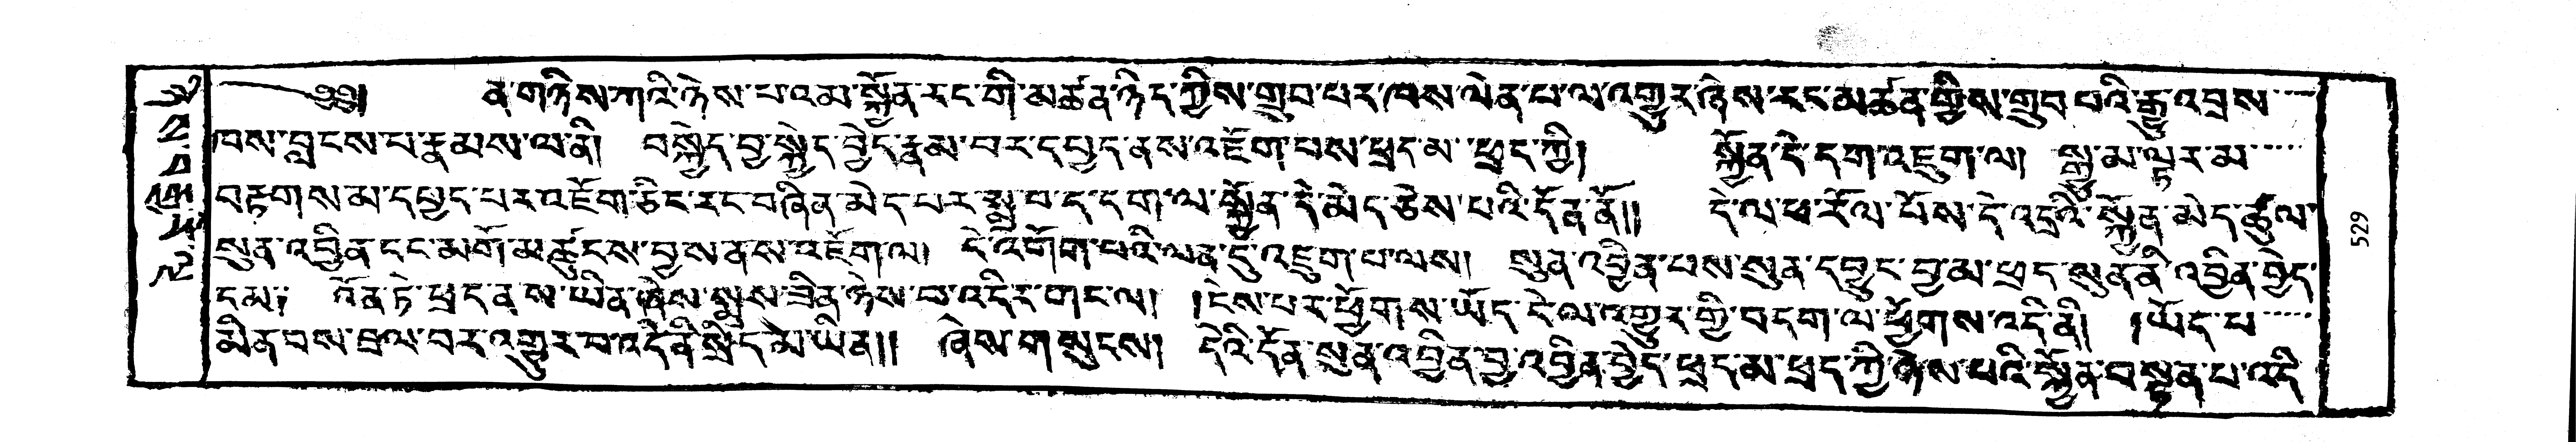༄༅། །ན་གཉིས་ཀའི་ཉེས་པའམ་སྐྱོན་རང་གི་མཚན་ཉིད་ཀྱིས་གྲུབ་པར་ཁས་ལེན་པ་ལ་འགྱུར་ཞེས་རང་མཚན་གྱིས་གྲུབ་པའི་རྒྱུ་འབྲས་
ཁས་བླངས་པ་རྣམས་ལ་ནི། བསྐྱེད་བྱ་སྐྱེད་བྱེད་རྣམ་པར་དཔྱད་ནས་འཇོག་པས་ཕྲད་མ་ཕྲད་ཀྱི། སྐྱོན་དེ་དག་འཇུག་ལ། སྒྱུ་མ་ལྟར་མ་
བརྟགས་མ་དཔྱད་པར་འཇོག་ཅིང་རང་བཞིན་མེད་པར་སྨྲ་བ་ད་དག་ལ་སྐྱོན་དེ་མེད་ཅེས་པའི་དོན་ནོ། །དེ་ལ་ཕ་རོལ་པོས་དེ་འདྲའི་སྐྱོན་མེད་ཚུལ་
སུན་འབྱིན་དང་མགོ་མཚུངས་བྱས་ནས་འཇོག་ལ། དེ་འགོག་པའི་ལན་དུ་འཇུག་པ་ལས། སུན་འབྱིན་པས་སུན་དབྱུང་བྱ་མ་ཕྲད་སུན་ནི་འབྱིན་བྱེད་
དམ༑ འོན་ཏེ་ཕྲད་ནས་ཡིན་ཞེས་སྨྲས་ཟིན་ཉེས་པ་འདིར་གང་ལ། །ངེས་པར་ཕྱོགས་ཡོད་དེ་ལ་འགྱུར་གྱི་བདག་ལ་ཕྱོགས་འདི་ནི། །ཡོད་པ་
མིན་པས་ཐལ་བར་འགྱུར་བ་འདི་ནི་སྲིད་མ་ཡིན། །ཞེས་གསུངས། དེའི་དོན་སུན་འབྱིན་བྱ་འབྱིན་བྱེད་ཕྲད་མ་ཕྲད་ཀྱི་ཉེས་པའི་སྐྱོན་བསྟན་པ་འདི་